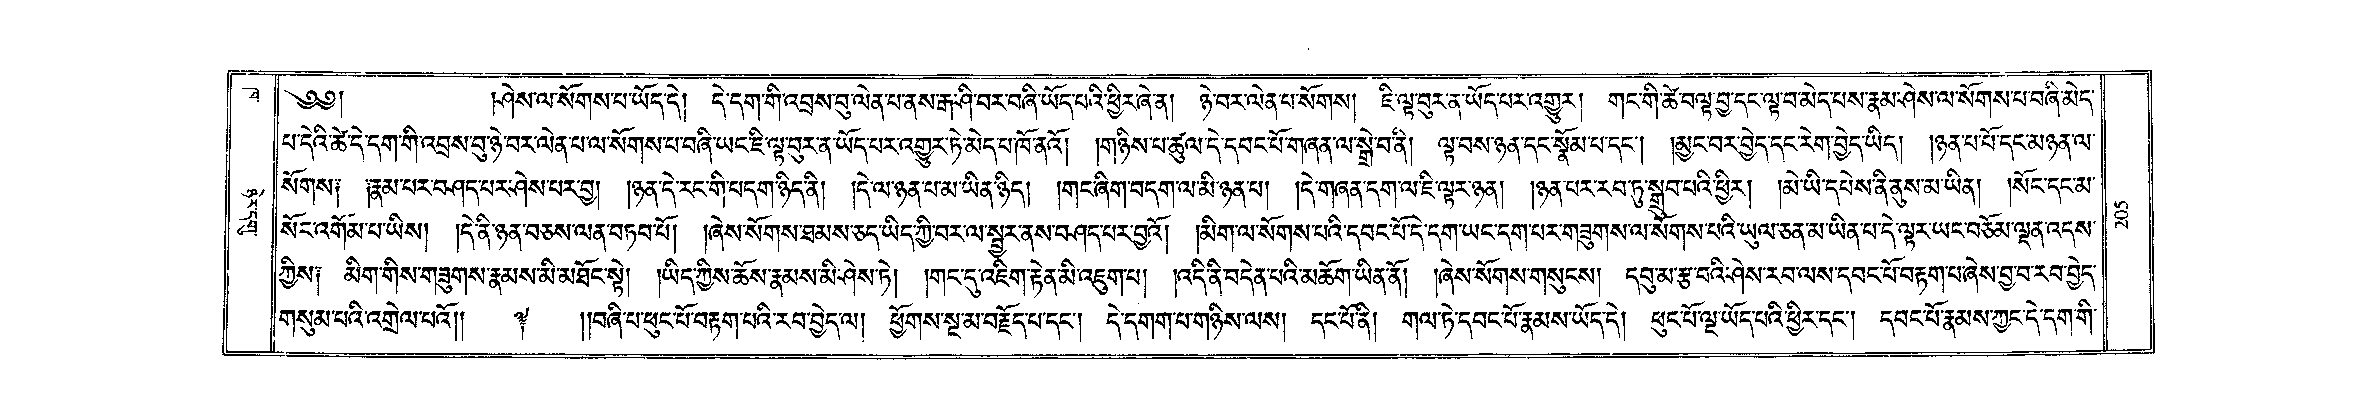༄༅། །ཤེས་ལ་སོགས་པ་ཡོད་དེ། དེ་དག་གི་འབྲས་བུ་ལེན་པ་ནས་རྒ་ཤི་བར་བཞི་ཡོད་པའི་ཕྱིར་ཞེ་ན། ཉེ་བར་ལེན་པ་སོགས། ཇི་ལྟ་བུར་ན་ཡོད་པར་འགྱུར། གང་གི་ཚེ་བལྟ་བྱ་དང་ལྟ་བ་མེད་པས་རྣམ་ཤེས་ལ་སོགས་པ་བཞི་མེད་
པ་དེའི་ཚེ་དེ་དག་གི་འབྲས་བུ་ཉེ་བར་ལེན་པ་ལ་སོགས་པ་བཞི་ཡང་ཇི་ལྟ་བུར་ན་ཡོད་པར་འགྱུར་ཏེ་མེད་པ་ཁོ་ནའོ། །གཉིས་པ་ཚུལ་དེ་དབང་པོ་གཞན་ལ་སྒྲེ་བ་ནི། ལྟ་བས་ཉན་དང་སྣོམ་པ་དང་། །མྱང་བར་བྱེད་དང་རེག་བྱེད་ཡིད། །ཉན་པ་པོ་དང་མཉན་ལ་
སོགས༑ ༑རྣམ་པར་བཤད་པར་ཤེས་པར་བྱ། །ཉན་དེ་རང་གི་བདག་ཉིད་ནི། །དེ་ལ་ཉན་པ་མ་ཡིན་ཉིད། །གང་ཞིག་བདག་ལ་མི་ཉན་པ། །དེ་གཞན་དག་ལ་ཇི་ལྟར་ཉན། །ཉན་པར་རབ་ཏུ་སྒྲུབ་པའི་ཕྱིར། །མེ་ཡི་དཔེས་ནི་ནུས་མ་ཡིན། །སོང་དང་མ་
སོང་འགོམ་པ་ཡིས། །དེ་ནི་ཉན་བཅས་ལན་བཏབ་པོ། །ཞེས་སོགས་ཐམས་ཅད་ཡིད་ཀྱི་བར་ལ་སྦྱར་ནས་བཤད་པར་བྱའོ། །མིག་ལ་སོགས་པའི་དབང་པོ་དེ་དག་ཡང་དག་པར་གཟུགས་ལ་སོགས་པའི་ཡུལ་ཅན་མ་ཡིན་པ་དེ་ལྟར་ཡང་བཅོམ་ལྡན་འདས་
ཀྱིས༑ མིག་གིས་གཟུགས་རྣམས་མི་མཐོང་སྟེ། །ཡིད་ཀྱིས་ཆོས་རྣམས་མི་ཤེས་ཏེ། །གང་དུ་འཇིག་རྟེན་མི་འཇུག་པ། །འདི་ནི་བདེན་པའི་མཆོག་ཡིན་ནོ། །ཞེས་སོགས་གསུངས། དབུ་མ་རྩ་བའི་ཤེས་རབ་ལས་དབང་པོ་བརྟག་པ་ཞེས་བྱ་བ་རབ་བྱེད་
གསུམ་པའི་འགྲེལ་པའོ།། ༈ །།བཞི་པ་ཕུང་པོ་བརྟག་པའི་རབ་བྱེད་ལ། ཕྱོགས་སྔ་མ་བརྗོད་པ་དང་། དེ་དགག་པ་གཉིས་ལས། དང་པོ་ནི། གལ་ཏེ་དབང་པོ་རྣམས་ཡོད་དེ། ཕུང་པོ་ལྔ་ཡོད་པའི་ཕྱིར་དང་། དབང་པོ་རྣམས་ཀྱང་དེ་དག་གི་